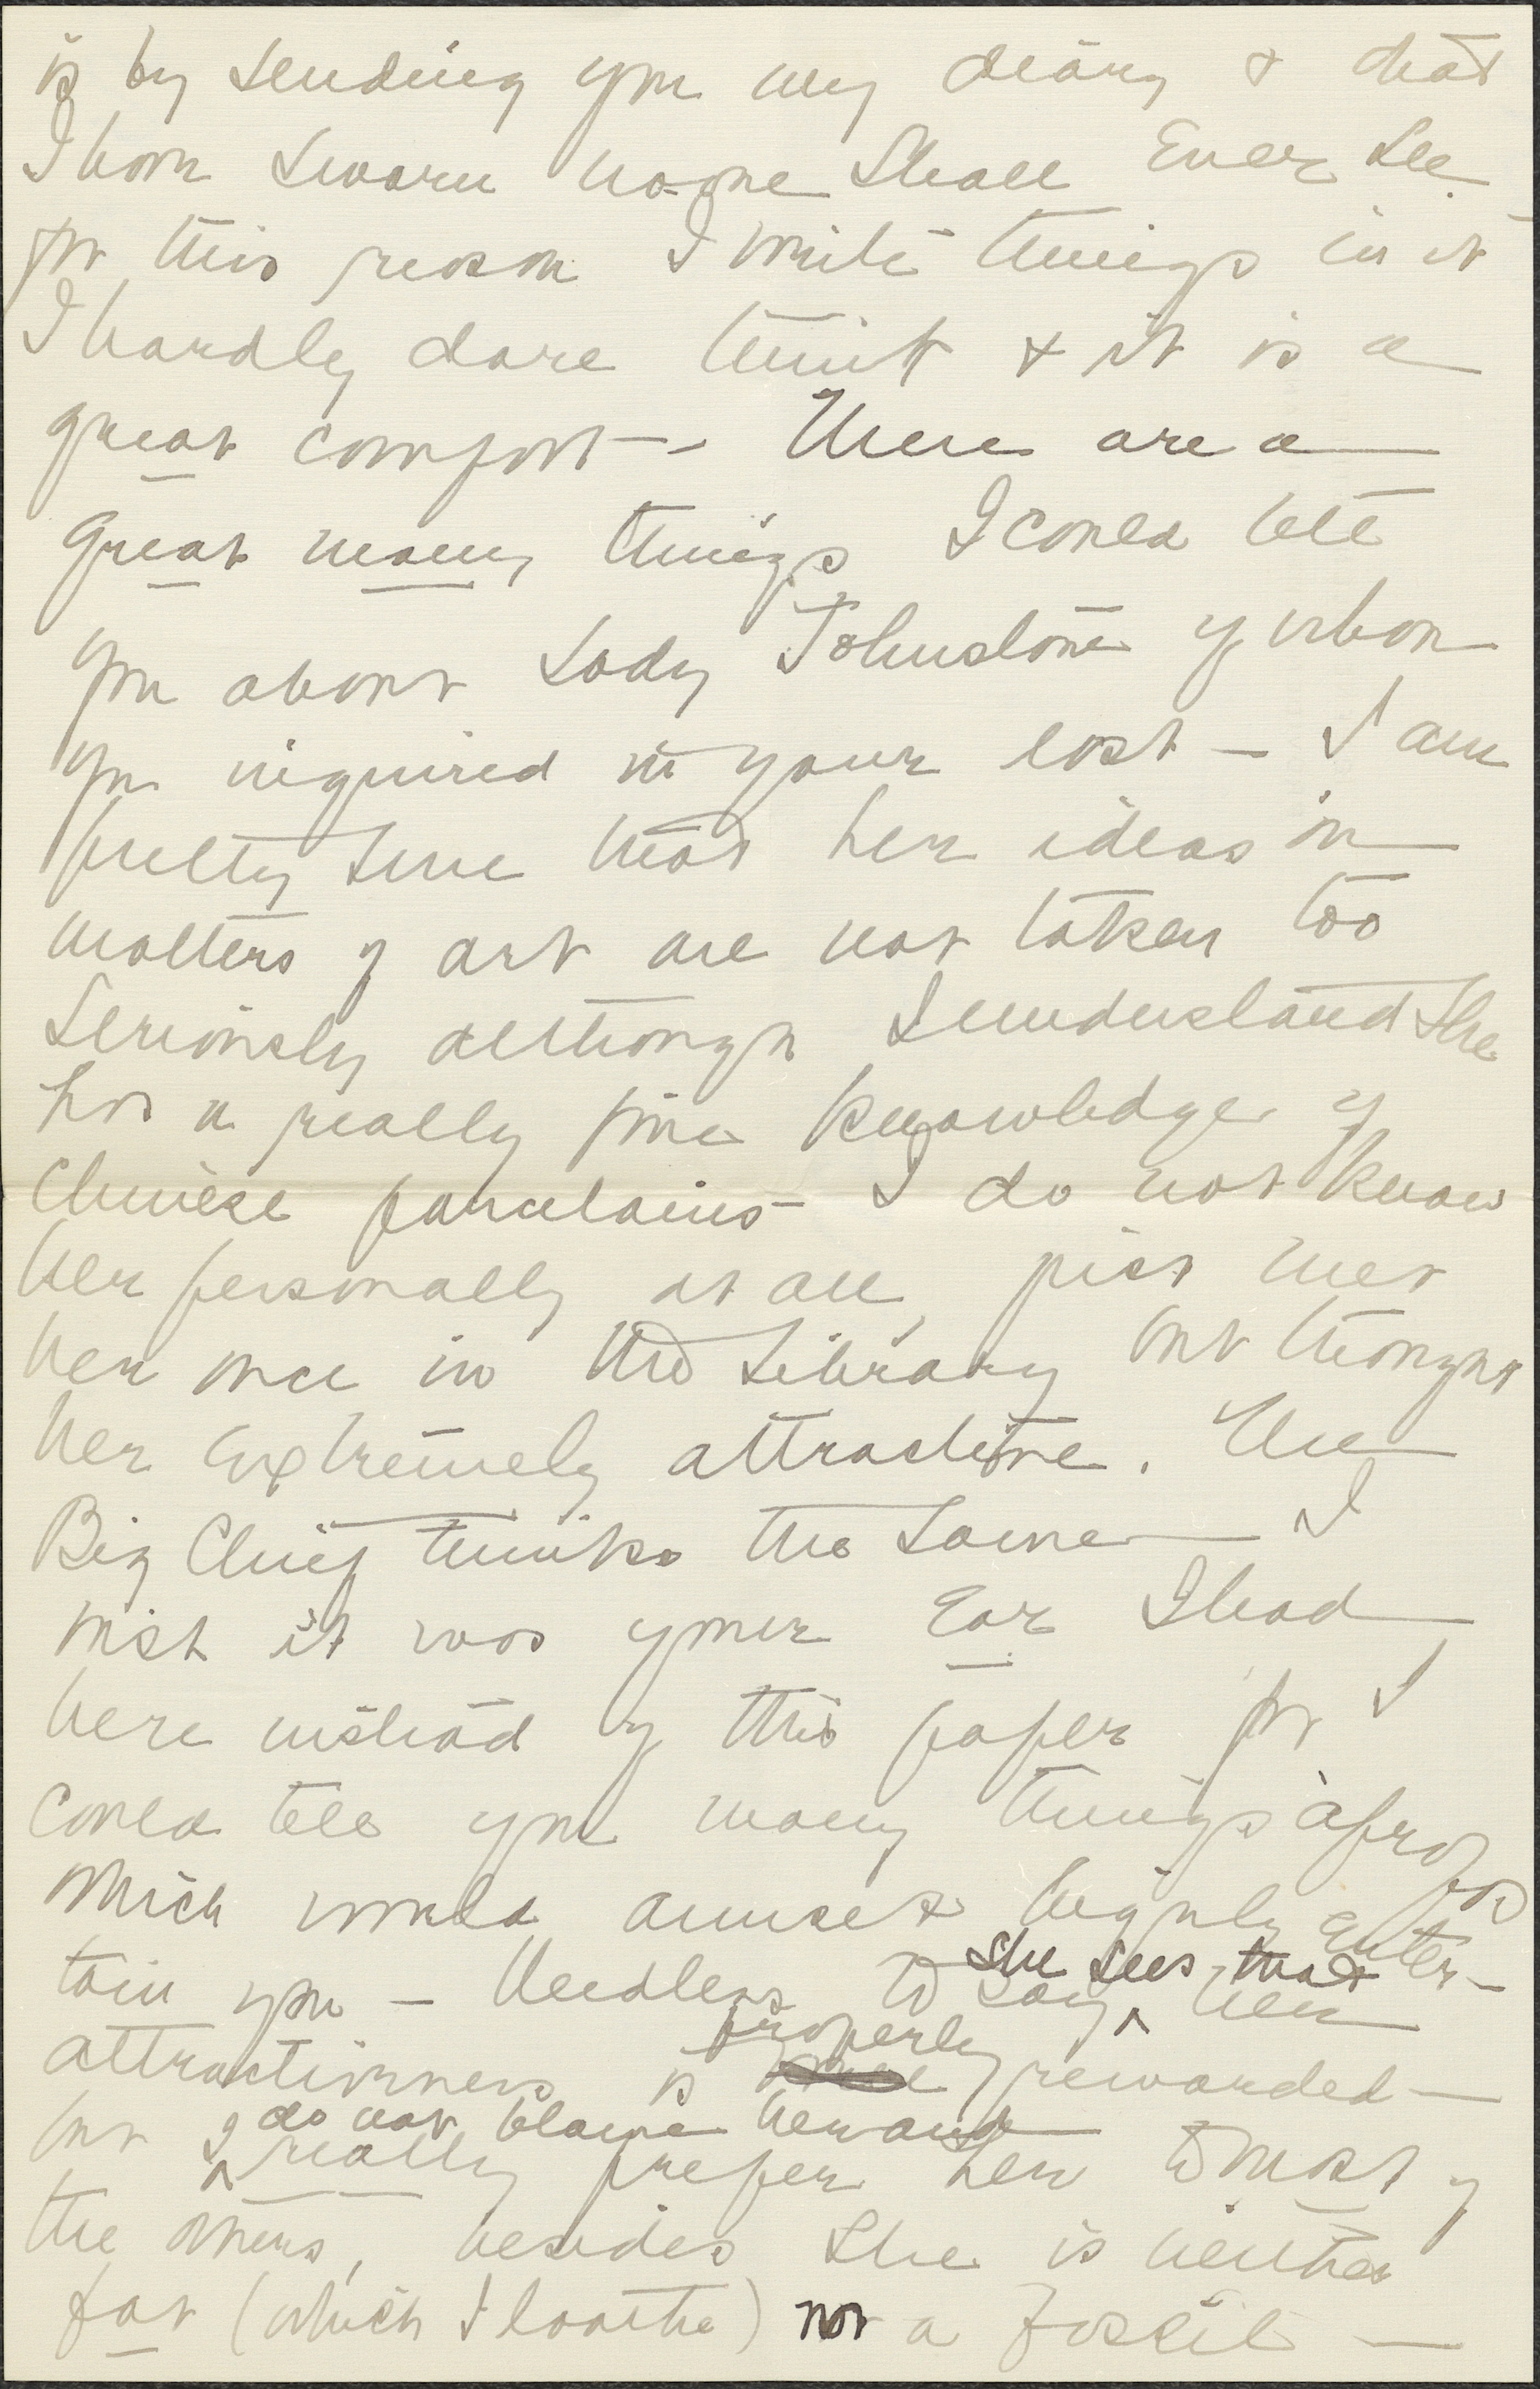is by sending you my diary & that I have sworn no one shall ever see
for this reason I wrote things in it I hardly dare think & it is a great comfort – There are a great many things I could tell you about Lady Johnstone of whom you inquired in your last – I am pretty sure that her ideas in matters of art are not taken too seriously although I understand she has a really fine knowledge of Chinese porcelains – I do not know her personally at all, just met her once in the Library but thought her extremely attractive. The Big Chief thinks the same – I wish it was your ear I had here instead of this paper for I could tell you many things apropos which would amuse & highly entertain you – Needless to say [^ she sees that^] her attractiveness is well [^properly^] rewarded – but I [^do not blame her and^] really prefer her to most of the others, besides she is neither fat (which I loathe) nor a fossil –